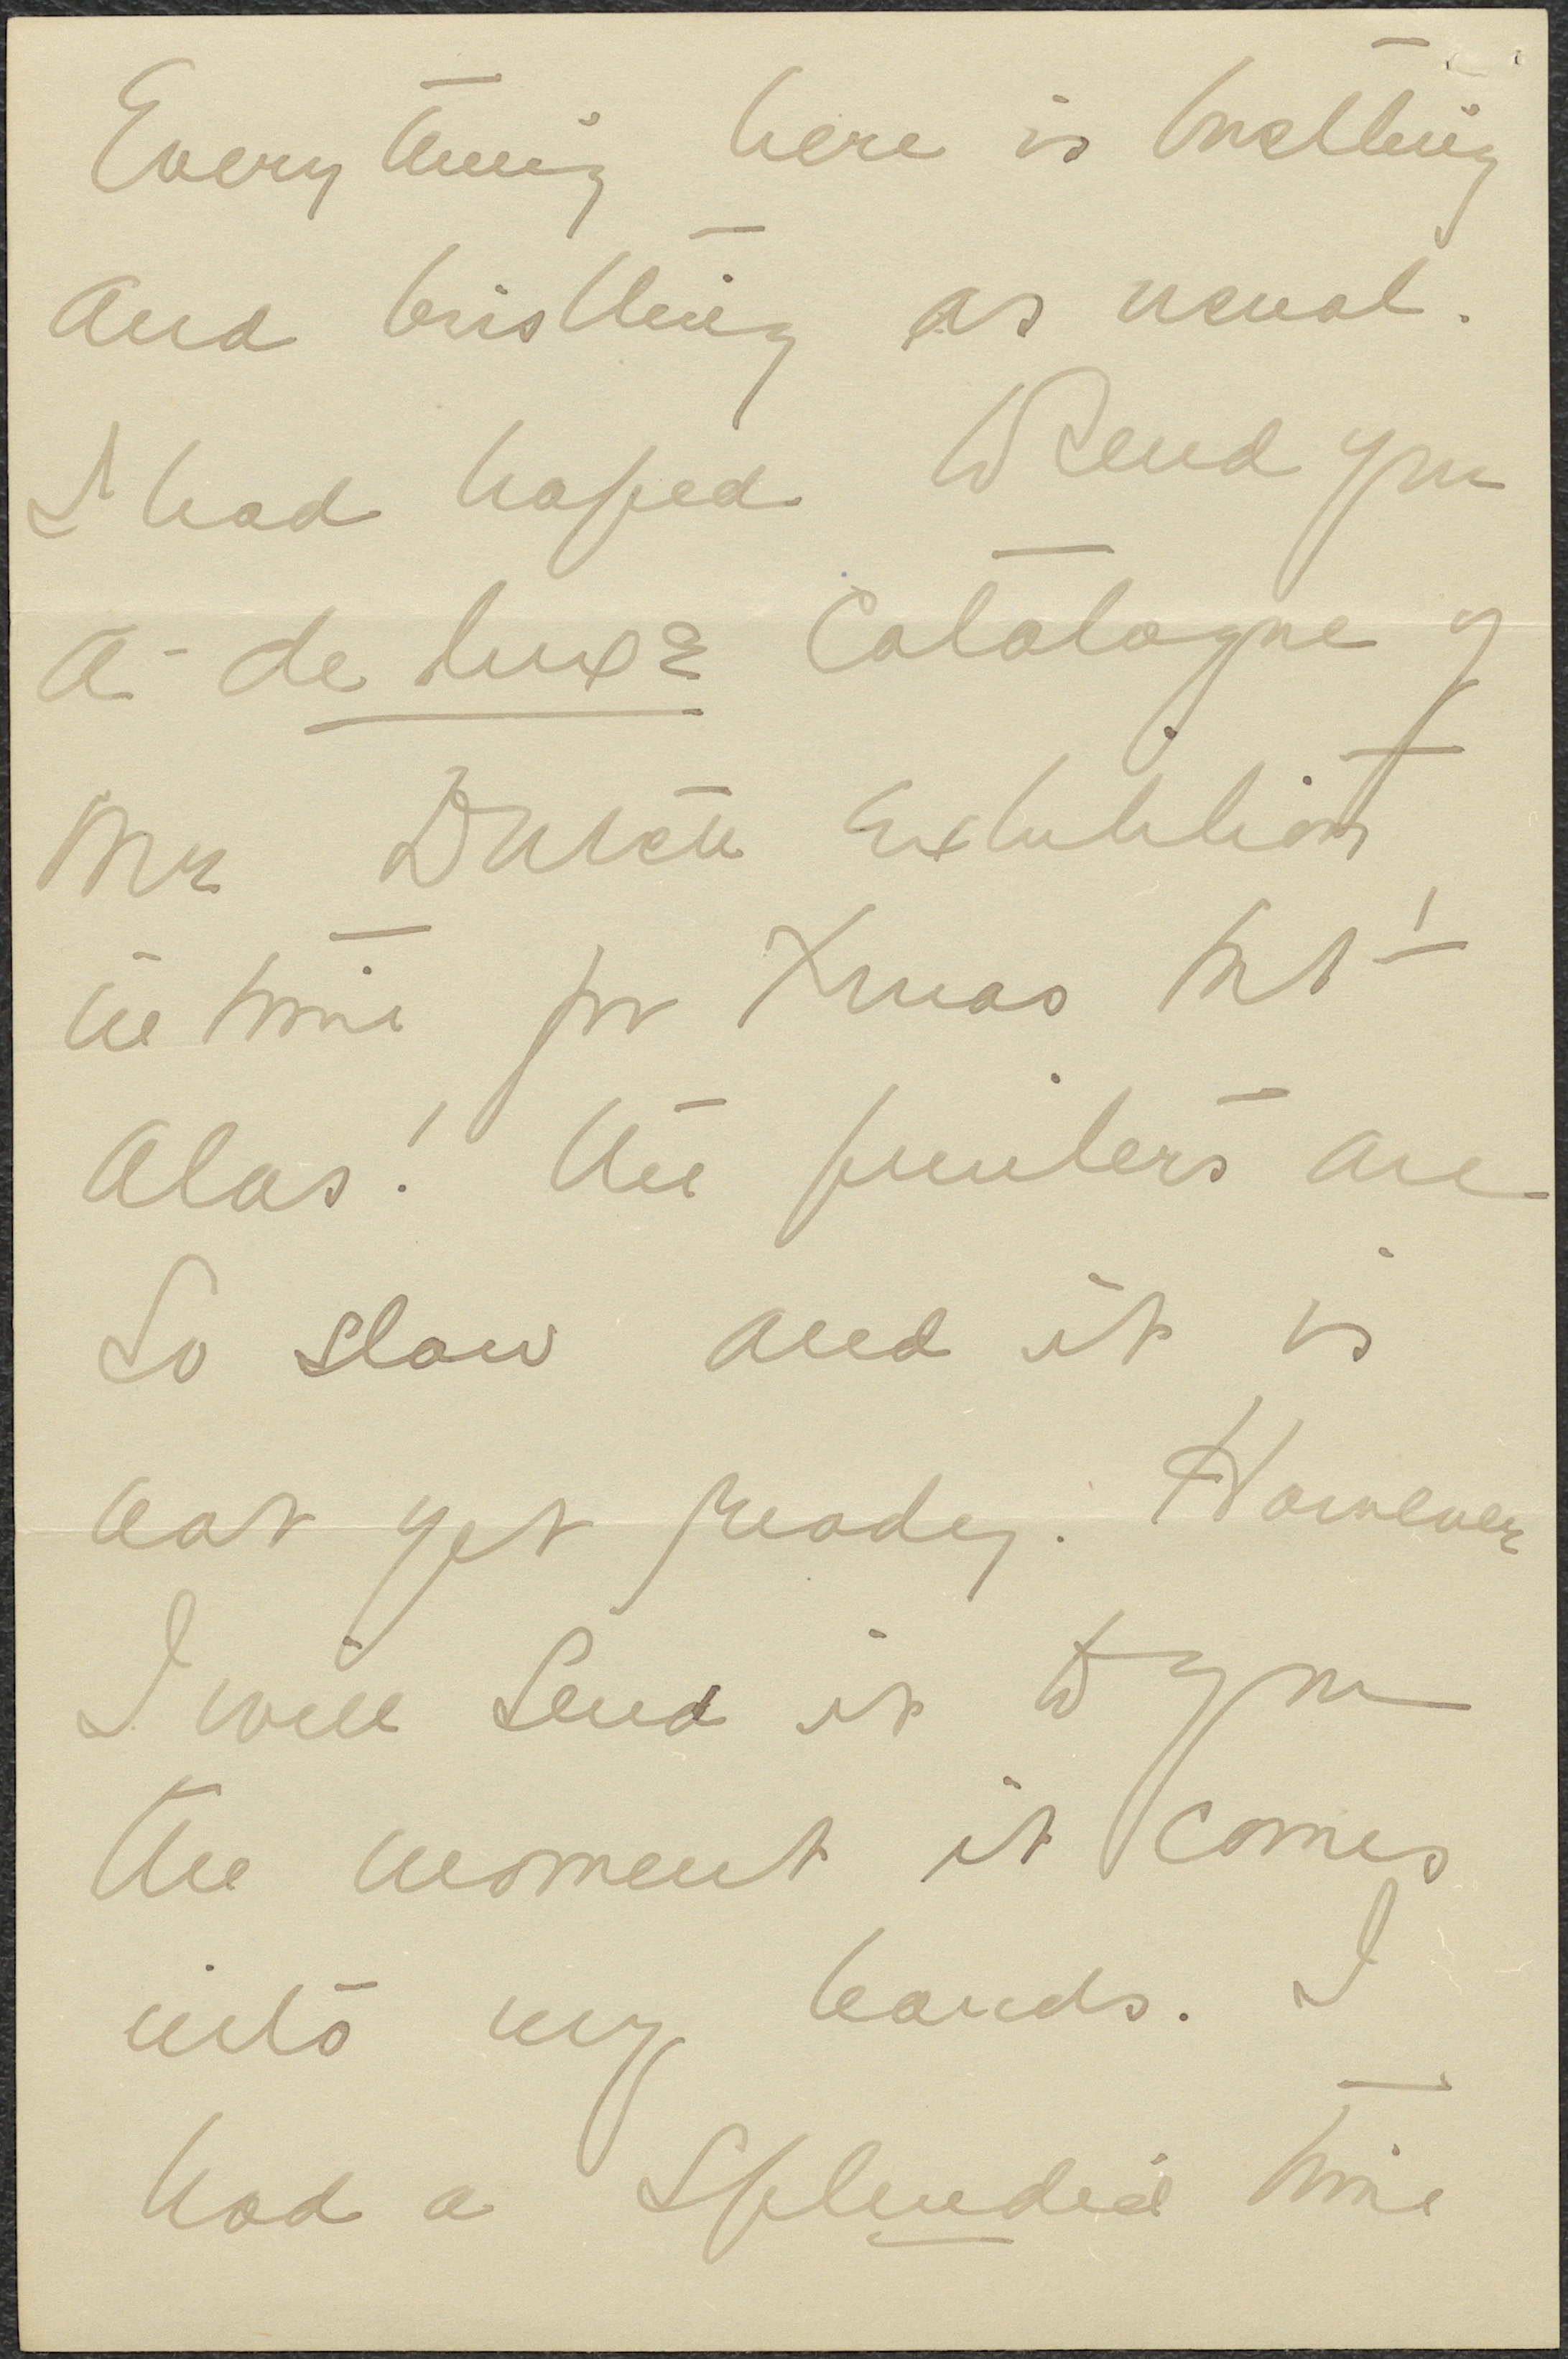Every thing here is bustling and bristling as usual. I had hoped to send you a deluxe catalogue of our Dutch exhibition in time for Xmas but alas! the printers are so slow and it is not yet ready. However I will send it to you the moment it comes into my hands. I had a splendid time